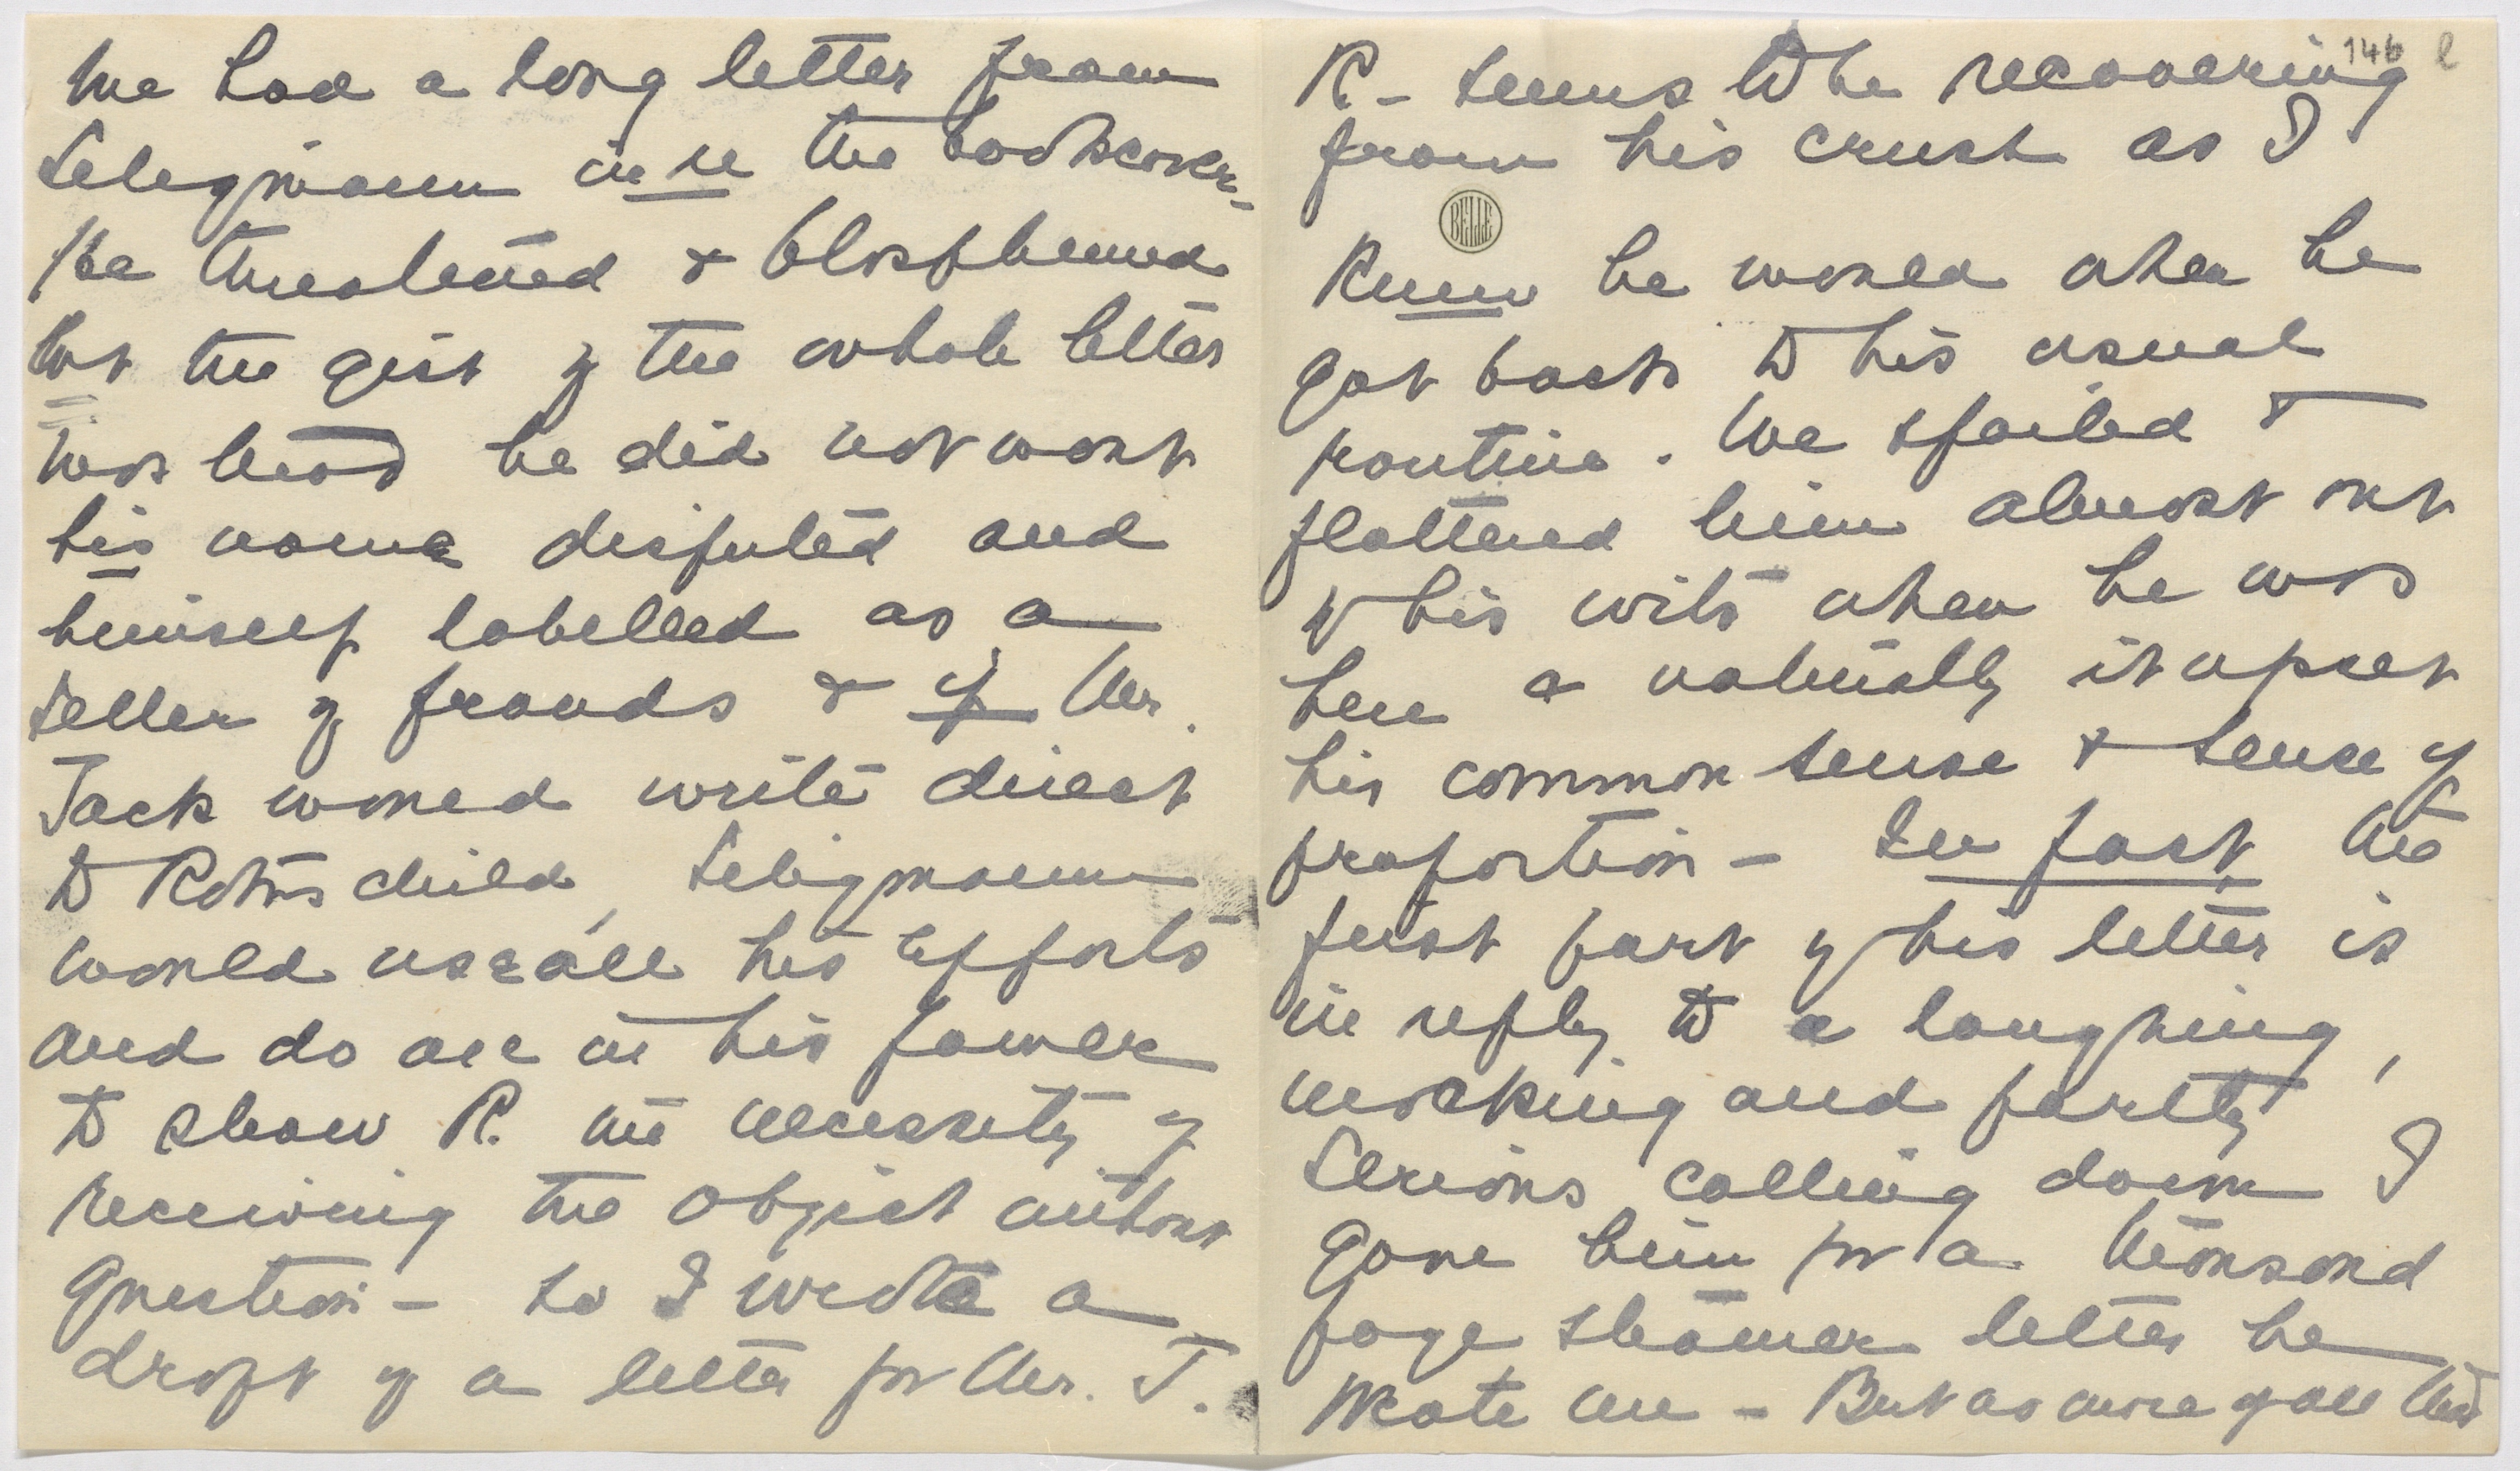R. seems to be recovering from his crush as I knew he would when he got back to his usual routine. We spoiled & flattered him almost out of his wits when he was here & naturally it upset his common sense & sense of proportion – In fact the first part of his letter is in reply to a laughing, mocking and partly serious calling down I gave him for a thousand page steamer letter he wrote me – But as more of all that
he had a long letter from Seligmann in re the bookcover – He threatened & blasphemed but the gist of the whole letter was that he did not want his name disputed and himself labelled as a seller of frauds & if Mr. Jack would write direct to Rothschild, Seligmann would use all his efforts and do all in his power to show R. the necessity of receiving the object without question – so I wrote a draft of a letter for Mr. J.